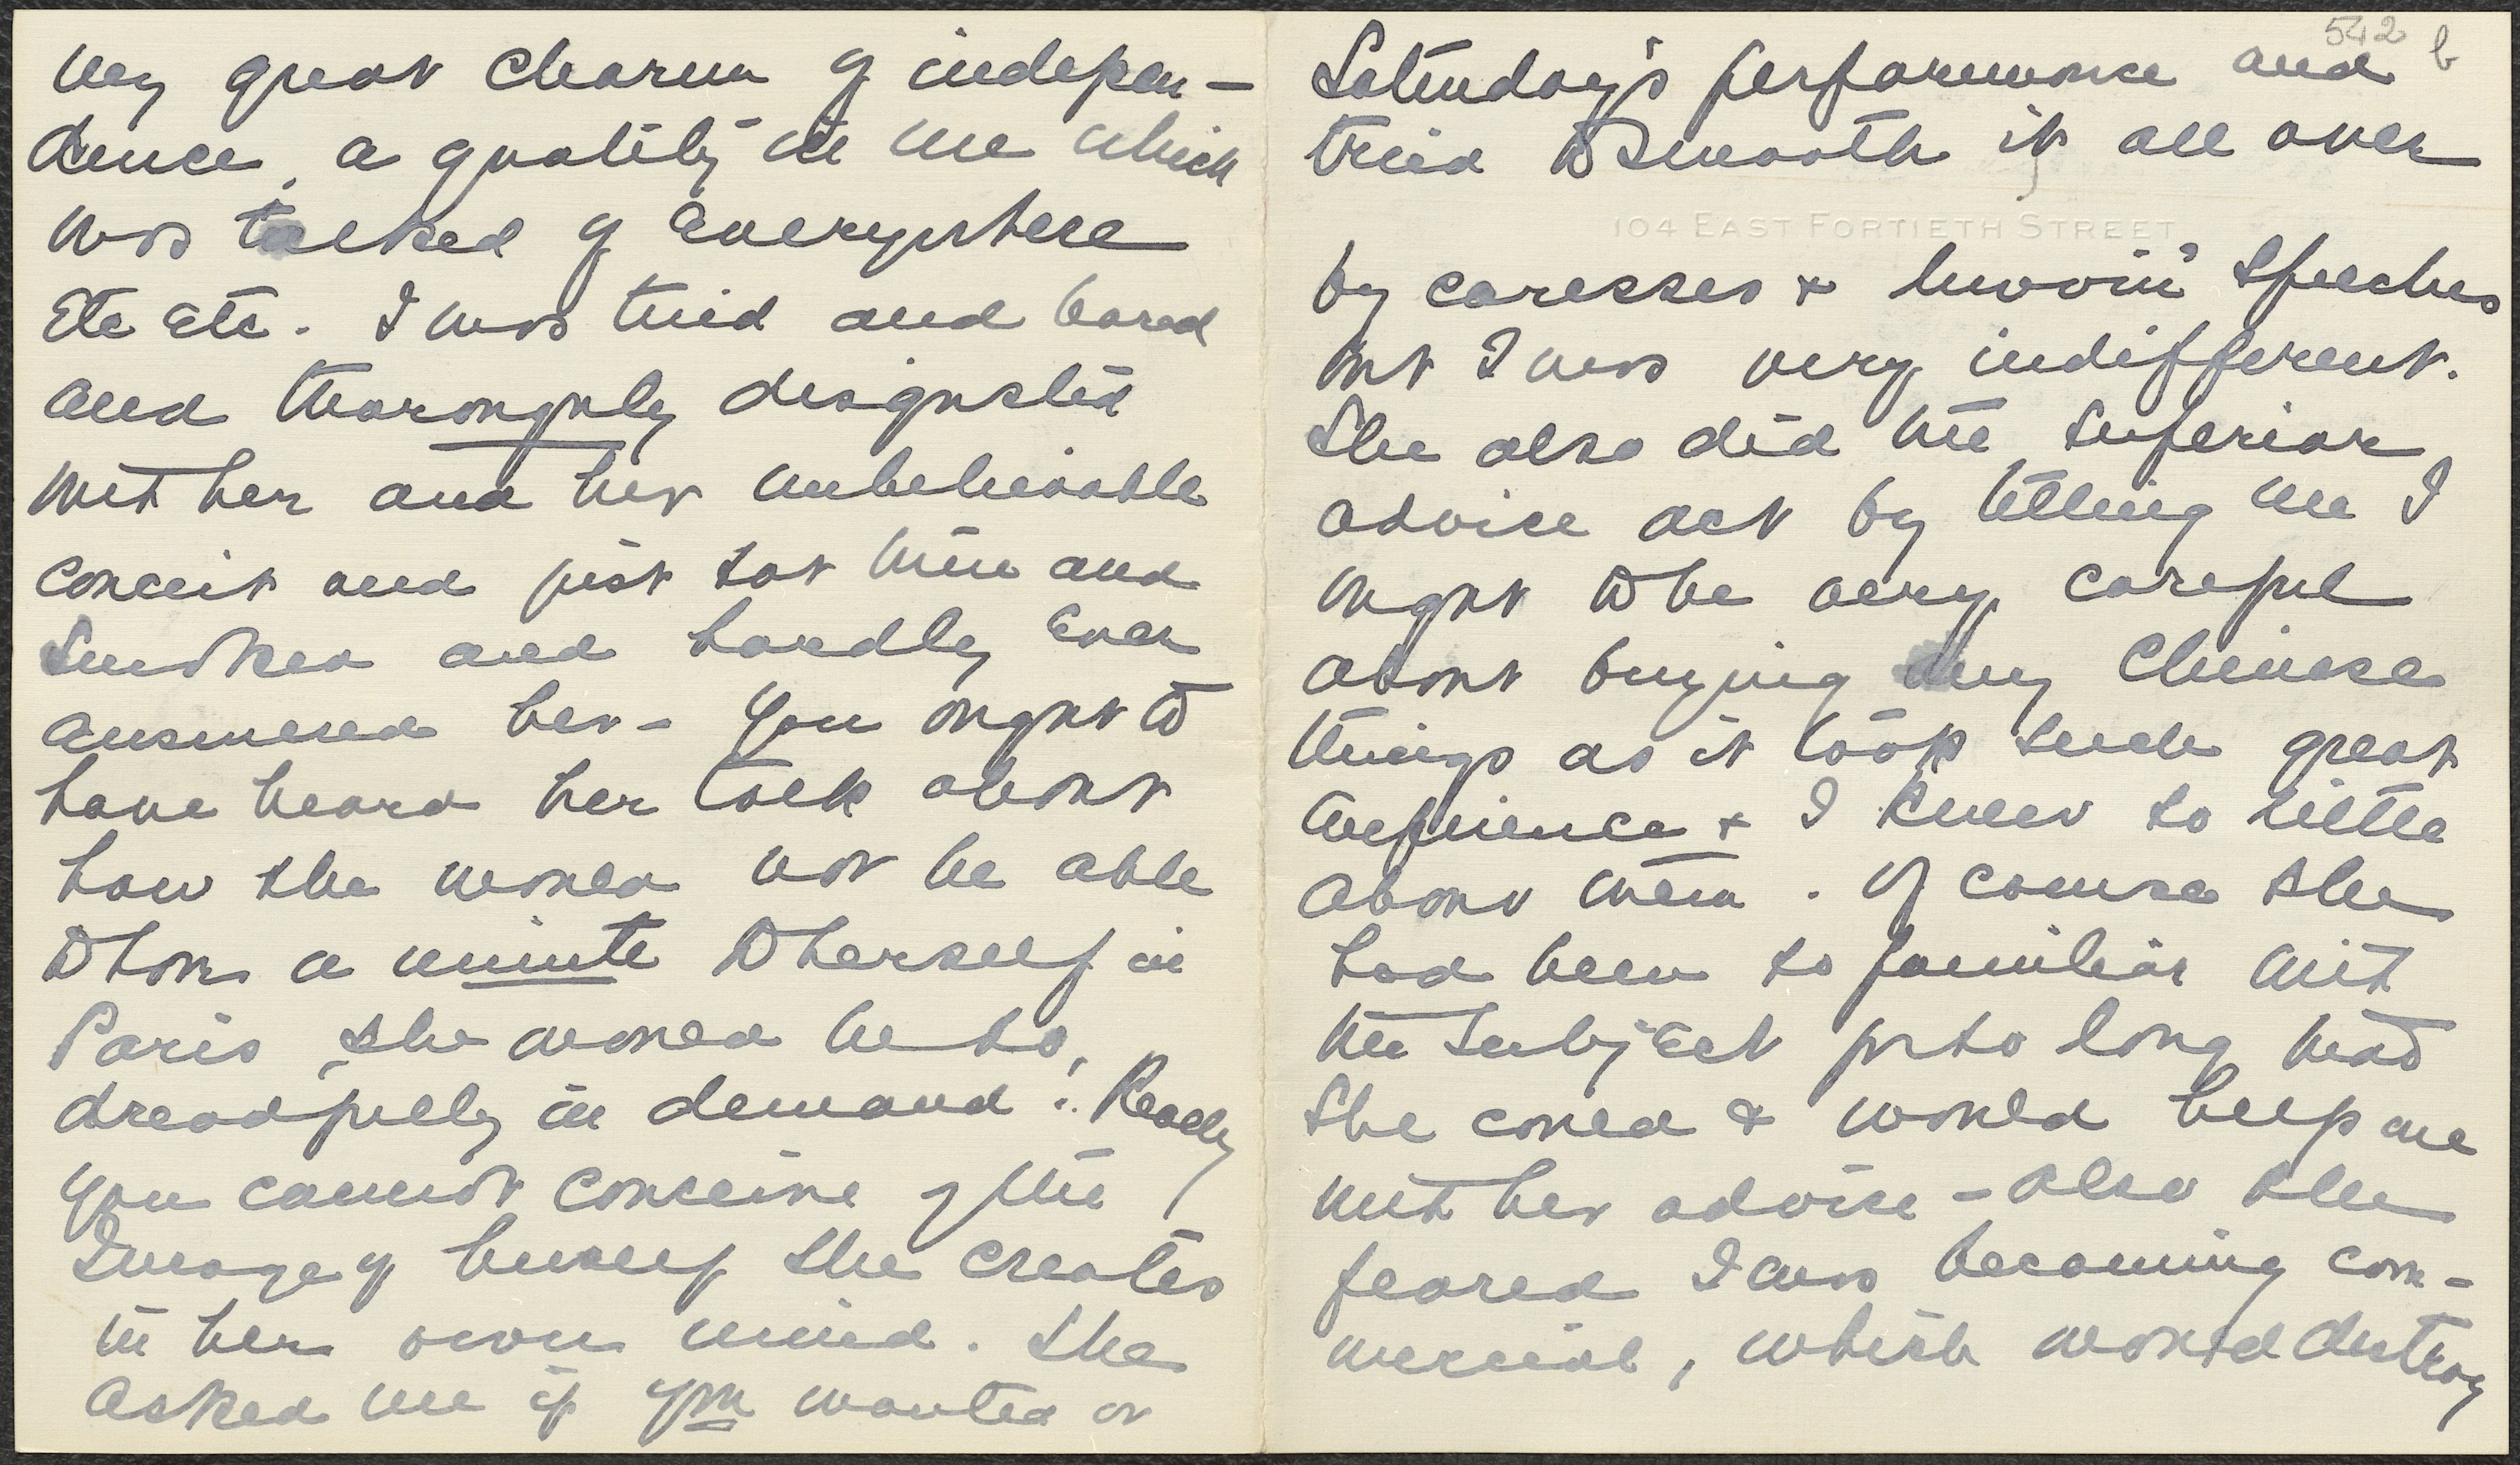Saturday’s performance and tried to smooth it all over by caresses & luvvin’ speeches but I was very indifferent. She also did the superior advice act by telling me I ought to be very careful about buying my Chinese things as it took such great experience & I knew so little about them. Of course she had been so familiar with the subject for so long that she could & would help me with her advice – also she feared I was becoming commercial, which would destroy
my great charm of independence, a quality in me which was talked of everywhere etc etc. I was tired and bored and thoroughly disgusted with her and her unbelievable conceit and just sat there and smoked and hardly ever answered her – you ought to have heard her talk about how she would not be able to have a minute to herself in Paris, she would be so dreadfully in demand! Really you cannot conceive of the Image of herself she creates in her own mind. She asked me if you wanted or